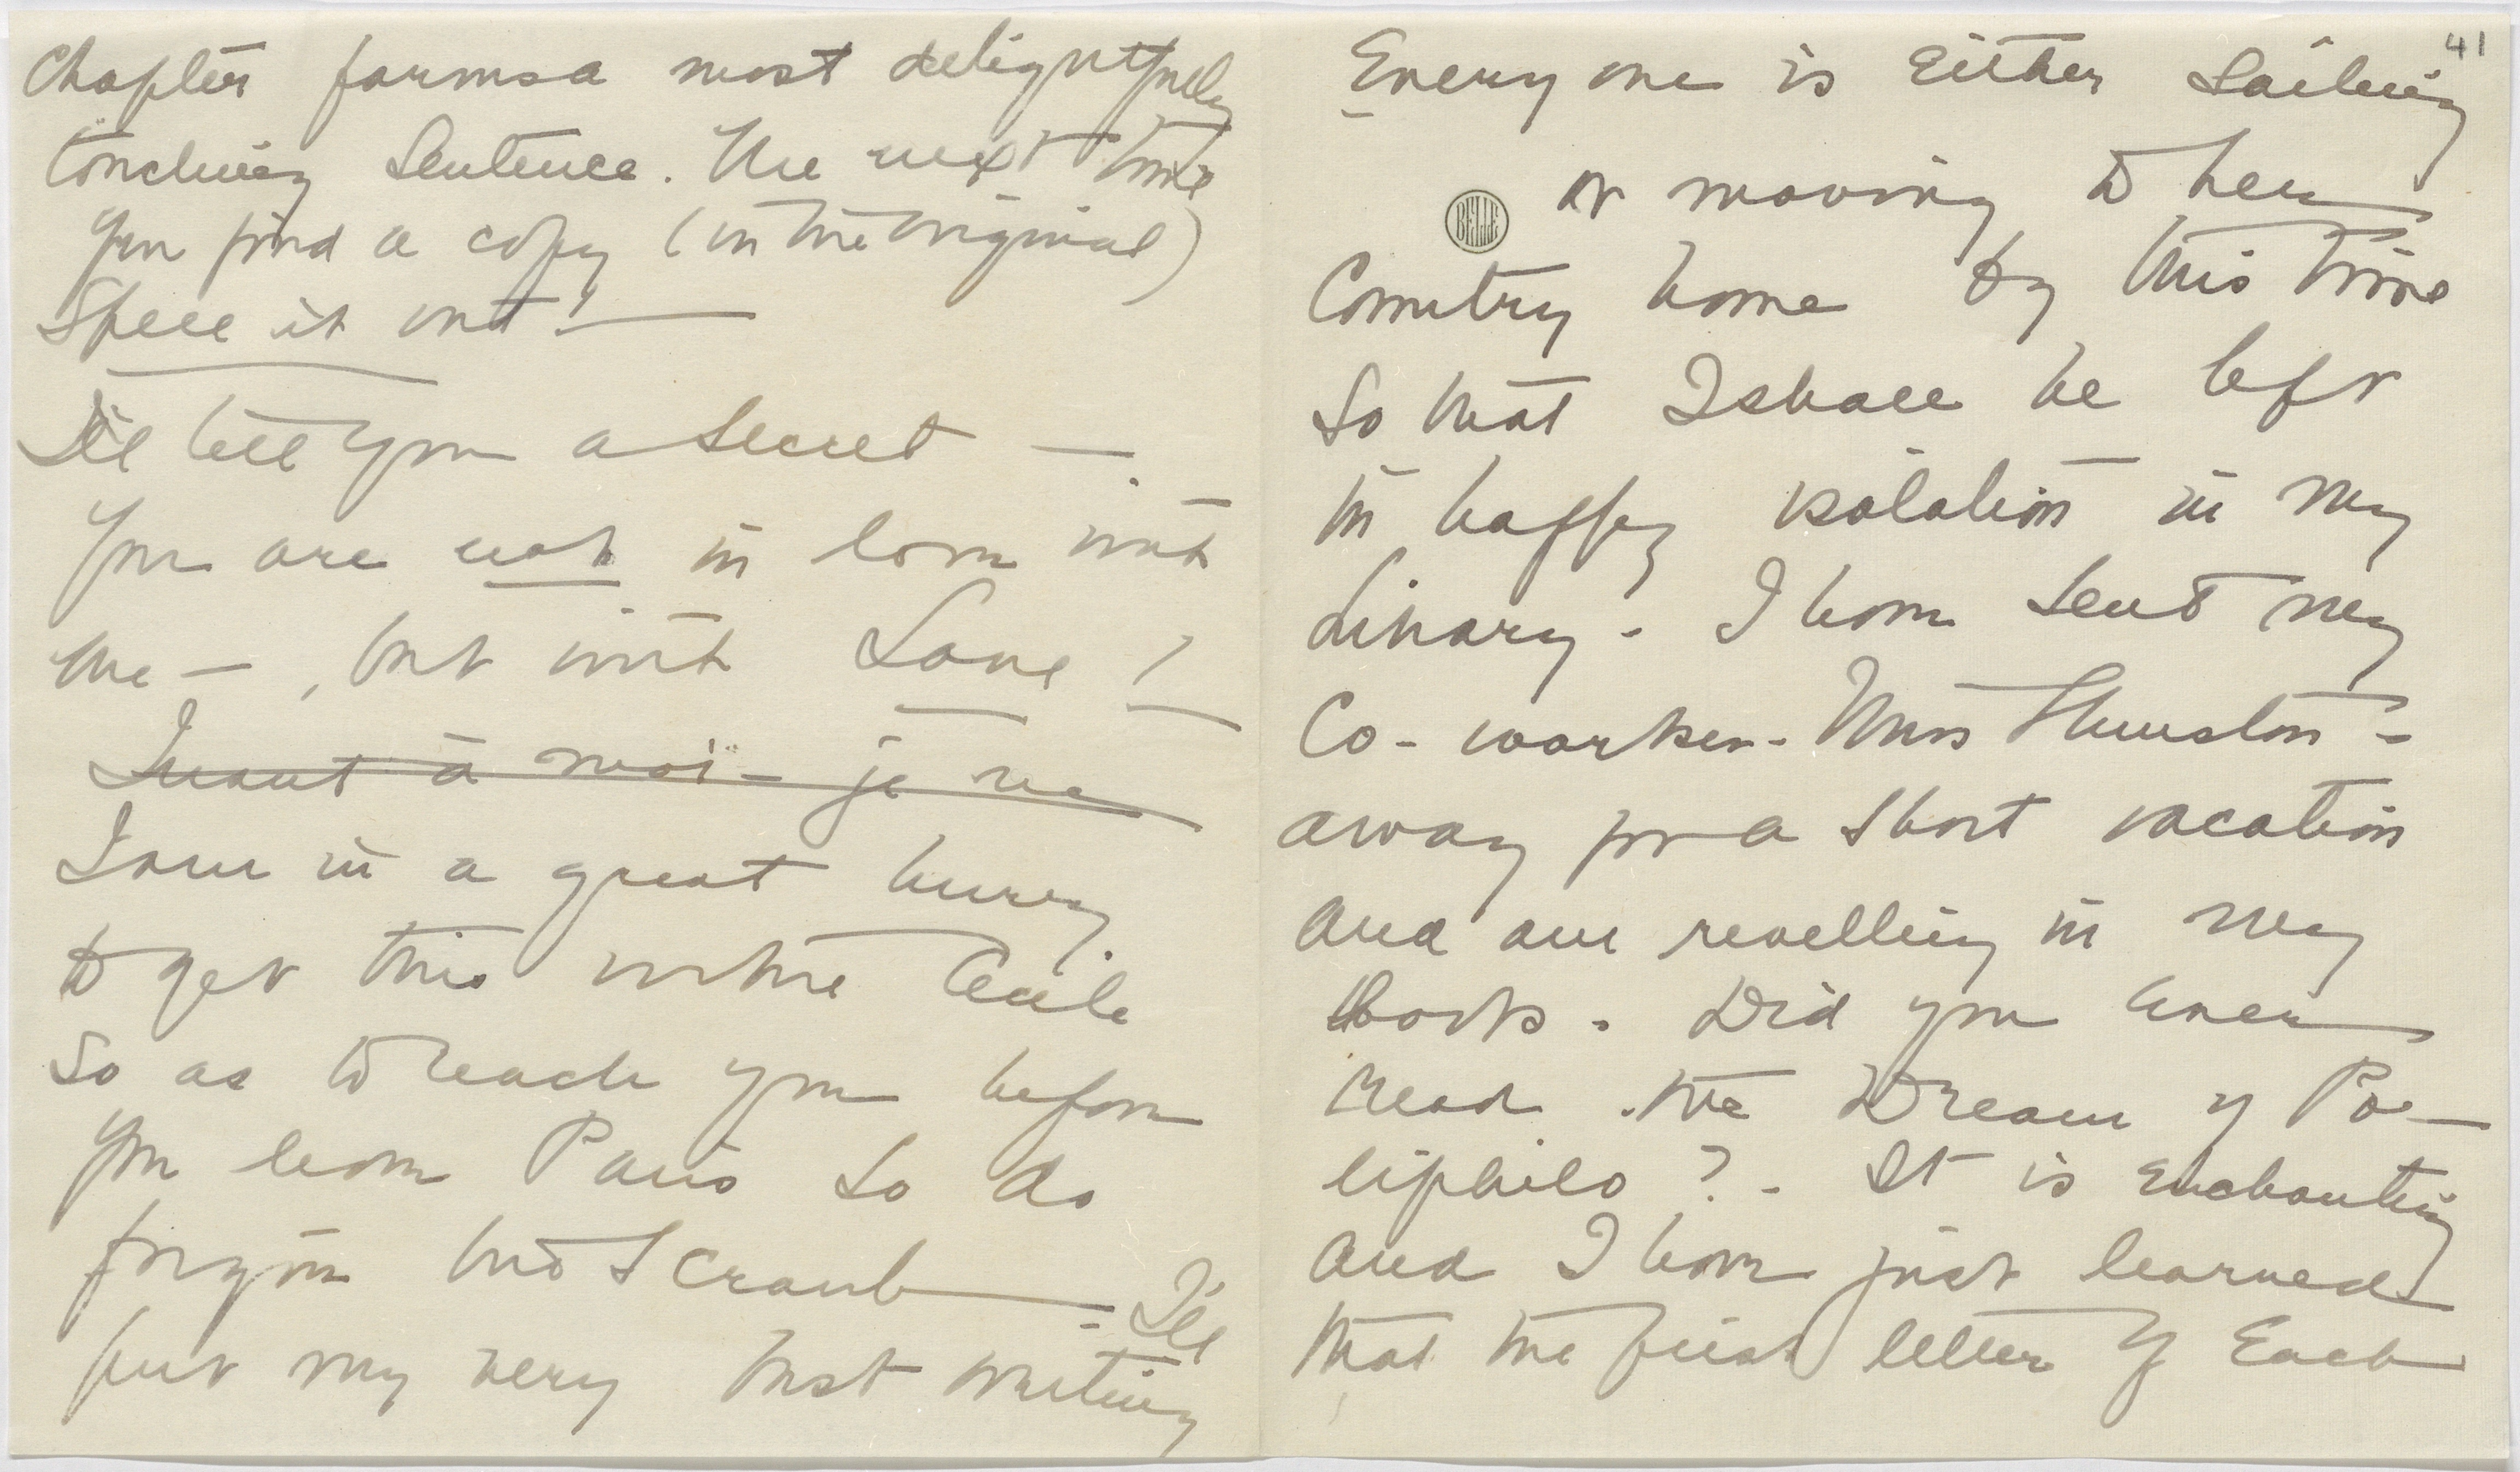every one is either sailing or moving to her country home by this time so that I shall be left in happy isolation in my Library – I have sent my co-worker – Miss Thurston – away for a short vacation and am revelling in my books. Did you ever read the Dream of Poliphilo? – It is enchanting and I have just learned that the first letter of each
chapter forms a most delightfully touching sentence. The next time you find a copy (in the original) spell it out! –
I’ll tell you a secret – You are not in love with me – , but with Love! –
I want à moi – je ne
I am in a great hurry to get this on the Cecile so as to reach you before you leave Paris so do forgive the scrawl – I’ll put my very best writing